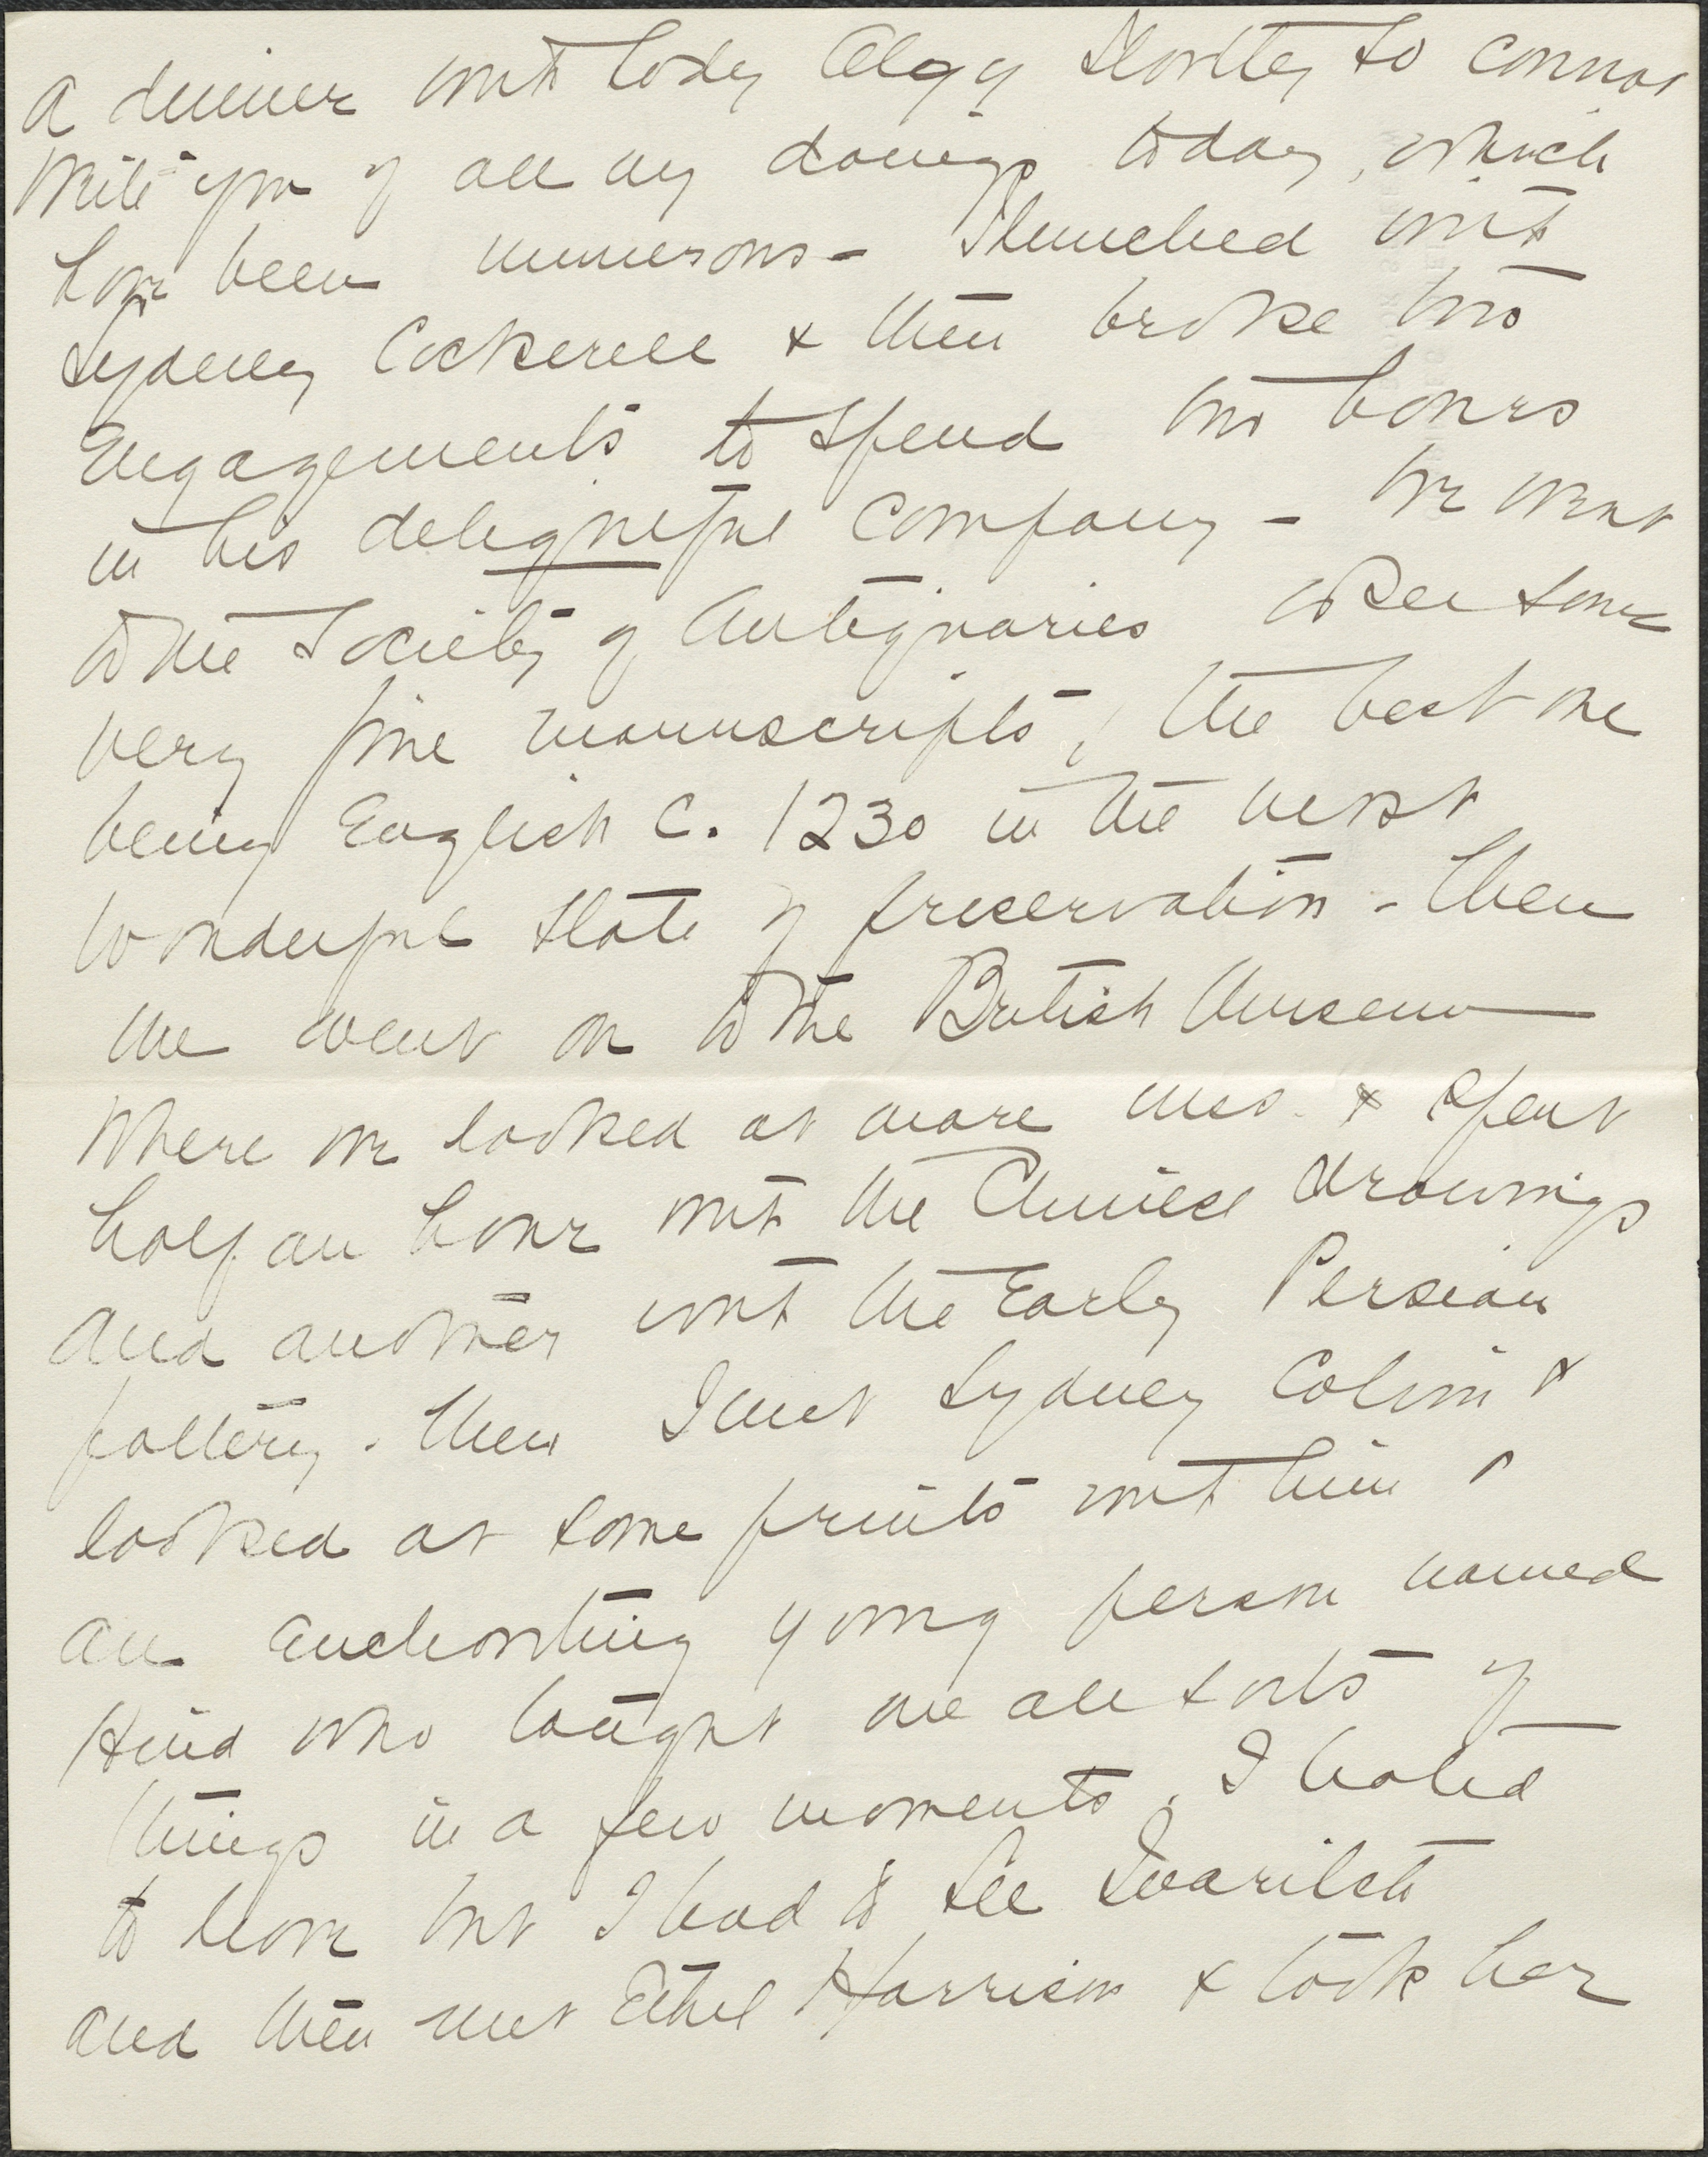a dinner with Lady Algy shortly so cannot write you of all my doings today, which have been numerous – I lunched with Sydney Cockerell & then broke two engagements to spend two hours in his delightful company – We went to the Society of Antiquaries to see some very fine manuscripts, the best one being English c. 1230 in the most wonderful state of preservation – Then we went on to the British Museum where we looked at more mss. & spent half an hour with the Chinese drawings and another with the Early Persian pottery. Then I met Sydney Colvin & looked at some prints with him & an enchanting young person named Hind who taught me all sorts of things in a few moments. I hated to leave but I had to see Quaritch and then meet Ethel Harrison & took her